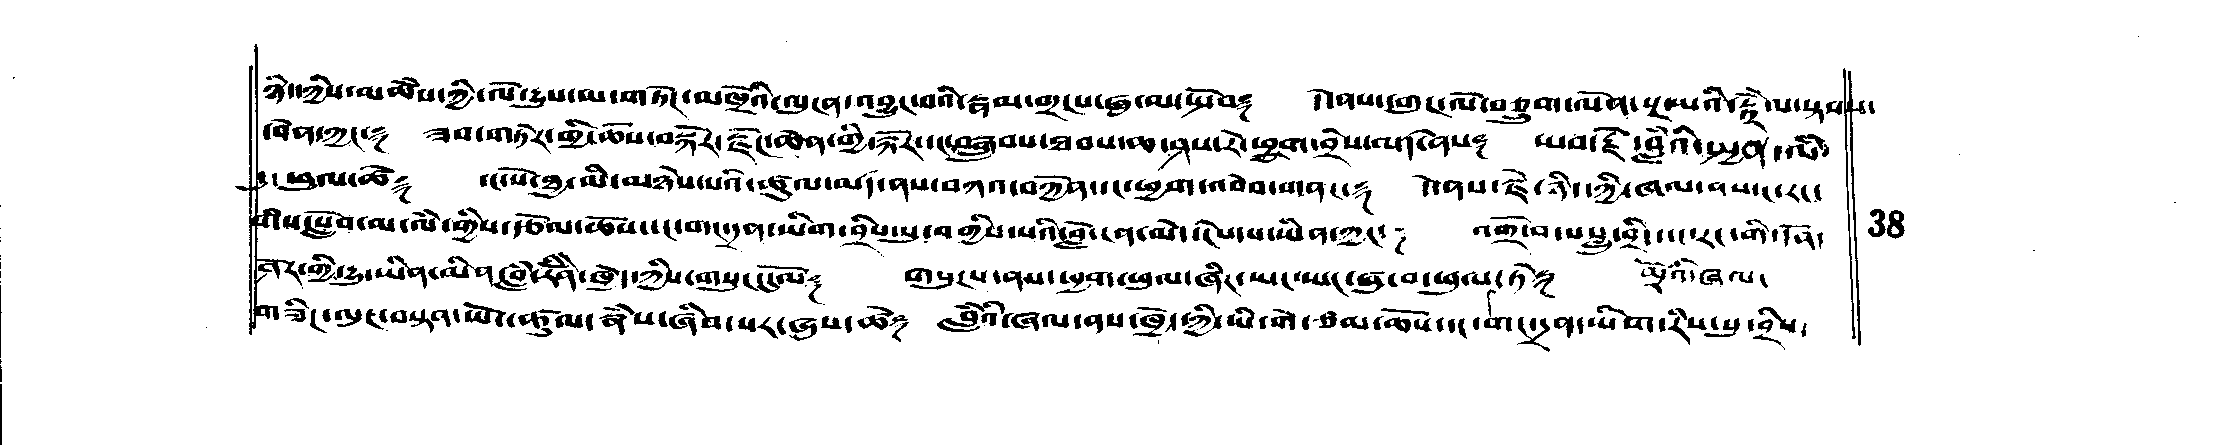ཉིད་ཀྱིས་མཚམས་ཀྱི་ལོ་རྒྱུས་མ་གཏོགས་མཁའ་འགྲོའི་ལུང་བསྟན་བྱུང་བའི་རྣམ་གྲངས་ཞུ་མ་སྤོབས་། དེ་ནས་དགུང་ལོ་བཅུ་དྲུག་ལོན། སྔ་མའི་རྟེན་འབྲེལ་སྟབས་
དབེན་ཀྱང་། ཟབ་གཏེར་གྱི་ཆོས་བསྐོར་རྫོགས་ཆེན་གྱི་སྐོར་དང་བསྒྲུབས་ཐབས་ཆ་ཤས་རེ་ཕྱག་བྲིས་མཛད་ནས། ཡབ་རྗེ་བླ་མའི་སྤྱན་ལམ་
དུ་ཕུལ་ཚེ། དང་པོ་ཐུགས་མི་མཉེས་པའི་ཚུལ་མཛད་ནས་བཀའ་བཀྱོན་དང་ཕྱག་འབེབ་གནང་། དེ་ནས་རྗེ་ཉིད་ཀྱི་ཞལ་ནས་ང་རང་
གིས་སློབ་མ་ལམ་གྱིས་རྩོམ་ཆོས་དང་གང་དྲན་ཡིག་བྲིས་སུ་བགྱིས་པའི་བློ་ངན་མེད་ངེས་པ་ཡིན་ཀྱང་། འགྲོ་བ་བསླུ་བྲིད་དང་རང་གི་དོན་
ཤོར་གྱི་རྒྱུ་ཡིན་མིན་བླ་མ་རིན་པོ་ཆེ་ཁྱོད་ཀྱིས་གསུང་དུ་གསོལ། གསུངས་ནས་ཕྱག་ཕུལ་ཞིང་ཡང་ཡང་ཞུ་བ་ཕུལ་ཏེ། མཁའ་འགྲོའི་ཞལ་
གཟིགས་ལུང་བསྟན་ཡོང་ཚུལ་རྣམས་ཞིབ་པར་ཞུས་ཚེ། བླ་མའི་ཞལ་ནས་ཁྱོད་ཀྱི་ཡི་གེ་ཙམ་ཆོས་དང་གང་དྲན་ཡིག་རིས་སུ་